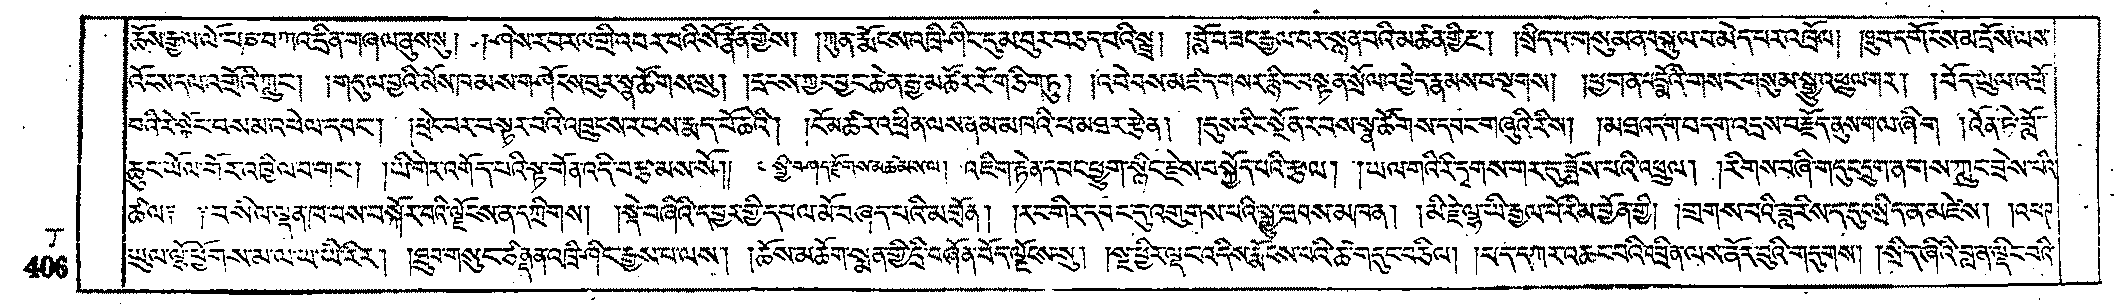ཆོས་རྒྱལ་ལོ་པཎ་བཀའ་དྲིན་གཞལ་ནུས་སུ། །ཤེས་རབ་རལ་གྲི་འབར་བའི་སོ་རྣོན་གྱིས། །ཀུན་རྨོངས་འཁྲི་ཤིང་དུམ་བུར་བཅད་པའི་སྒྲ། །བློ་བཟང་རྒྱལ་བར་སྙན་པའི་མཚན་གྱི་རྔ། །སྲིད་པ་གསུམ་ན་བསྐུལ་བ་མེད་པར་འཁྲོལ། །ཐུབ་དགོངས་མ་དྲོས་ལས་
འོངས་དལ་འགྲོའི་ཀླུང་། །གདུལ་བྱའི་མོས་ཁམས་གཤོངས་བུར་སྣ་ཚོགས་སུ། །དྲངས་ཀྱང་བྱང་ཆེན་རྒྱ་མཚོར་རོ་གཅིག་ཏུ། །འབེབས་མཛད་གསར་རྙིང་བསྟན་སྲོལ་འབྱེད་རྣམས་བསྔགས། །ཕྱག་ན་པདམོའི་གསང་གསུམ་སྒྱུ་འཕྲུལ་གར། །བོད་ཡུལ་འགྲོ་
བའི་རེ་སྐོང་བསམ་འཕེལ་དབང་། །ཕྲེང་བར་བསྟར་བའི་འཁྲུངས་རབས་རྨད་པོ་ཆེའི། །ངོ་མཚར་འཕྲིན་ལས་ནམ་མཁའི་ཕ་མཐར་རྩེན། །དུས་རིང་སྔོན་རབས་སྣ་ཚོགས་དབང་གཞུའི་རིས། །མཐའ་དག་བདག་འདྲས་བརྗོད་ནུས་ག་ལ་ཞིག །འོན་ཏེ་བློ་་་
ཆུང་ཡོལ་གོར་འཁྱིལ་བ་གང་། །ཡི་གེར་འགོད་པའི་སྟ་གོན་འདི་བརྩམས་སོ།། ༧སྤྱི་བཤད་རྫོགས་མཚམས་ལ།  འཇིག་རྟེན་དབང་ཕྱུག་སྙིང་རྗེས་བསྐྱོད་པའི་རྩལ། །ཡལ་གའི་རི་དྭགས་གར་དུ་ཟློས་པའི་འཕྲུལ། །རིགས་བཞི་གདུང་དྲུག་ནགས་ཀླུང་བྲེས་པའི་
ཚལ༑ ༑བསིལ་ལྡན་ཁ་བས་བསྐོར་བའི་ལྗོངས་ན་དཀྲིགས། །སྡེ་བཞིའི་དབྱར་གྱི་དཔལ་མོ་བཞད་པའི་མགྲོན། །རང་གིར་དབང་དུ་འགུགས་པའི་སྒྱུ་ཐབས་མཁན། །མི་རྗེ་ལྷ་ཡི་རྒྱལ་པོ་རིམ་བྱོན་གྱི། །གྲགས་པའི་ཟླ་རིས་ད་དུང་སྲིད་ན་མཛེས། །འཕཌ
ཡུལ་ལྷོ་ཕྱོགས་མ་ལ་ཡ་ཡི་རིར། །ཐུབ་གསུང་ཙནྡན་འཁྲི་ཤིང་རྒྱས་པ་ལས། །ཆོས་མཆོག་སྨན་གྱི་དྲི་བཞོན་བོད་ལྗོངས་སུ། །སྔ་ཕྱིར་ལྡང་འདིས་རྨོངས་པའི་ཚ་གདུང་བཅིལ། །པད་དཀར་འཆང་བའི་འཕྲིན་ལས་ནོར་བུའི་གདུགས། །སྲིད་ཞིའི་བླ་ན་ལྡིང་བའི་